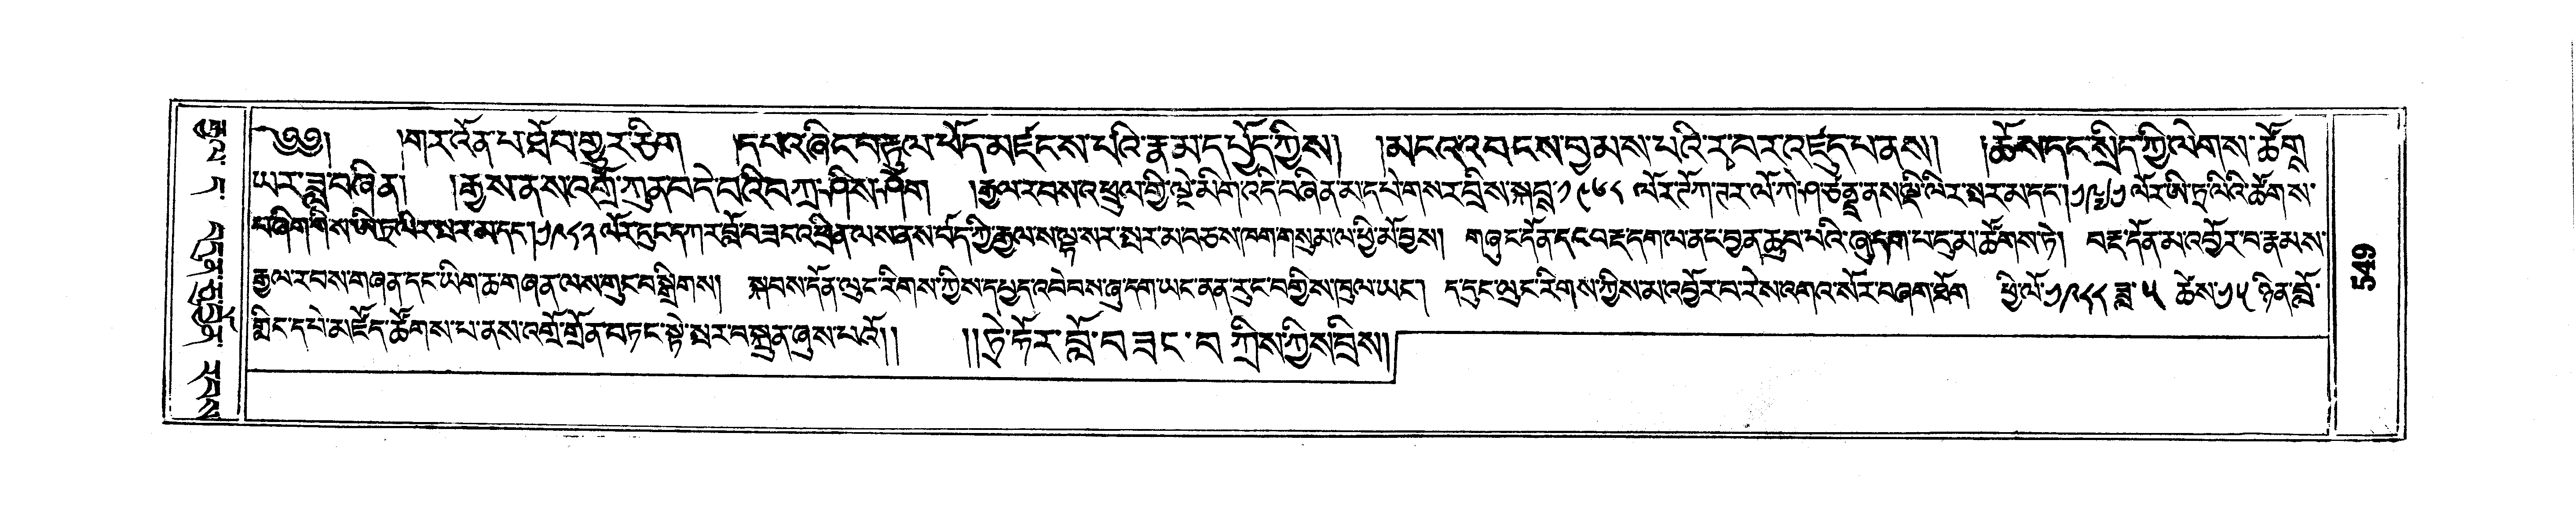༄༅། །གར་འོན་པ་ཐོབ་གྱུར་ཅིག །དཔའ་ཞིང་བརྟུལ་ཕོད་མཛངས་པའི་རྣམ་དཔྱོད་ཀྱིས། །མངའ་འབངས་བྱམས་པའི་རྭ་བར་འཛུད་པ་ནས། །ཆོས་དང་སྲིད་ཀྱི་ལེགས་ཚོགས་
ཡར་ཟླ་བཞིན། །རྒྱས་ནས་འགྲོ་ཀུན་བདེ་བའི་བཀྲ་ཤིས་ཤོག །རྒྱལ་རབས་འཕྲུལ་གྱི་ལྡེ་མིག་འདི་བཞིན་མ་དཔེ་གསར་བྲིས་སྐབས ༡༩༦༨་ལོར་ཊོཀ་ཊར་ལོ་ཀེ་ཤ་ཙནྡྲ་ནས་ལྡི་ལིར་སྤར་མ་དང་། ༡༩༧༡་ལོར་ཨི་ཏྲ་ལིའི་ཚོགས་
བ་ཞིག་གིས་ཨི་ཏྲ་ལིར་སྤར་མ་དང་། ༡༩༨༢་ལོར་དུང་དཀར་བློ་བཟང་འཕྲིན་ལས་ནས་བོད་ཀྱི་རྒྱལ་ས་ལྷ་སར་སྤར་མ་བཅས་ཁག་གསུམ་ལ་ཕྱི་མོ་བྱས། གཞུང་དོན་དང་བརྡ་དག་ལ་ནང་བྱན་ཆུབ་པའི་ཞུ་དག་པ་དུ་མ་ཚོགས་ཏེ། བརྡ་དོན་མ་འབྱོར་བ་རྣམས་
རྒྱལ་རབས་གཞན་དང་ཡིག་ཆ་གཞན་ལས་གུང་བསྒྲིགས། སྐབས་དོན་ལུང་རིགས་ཀྱིས་དཔྱད་འབེབས་ཞུ་དག་ཡང་ནན་རུང་བགྱིས་ཁུལ་ཡང་། ད་དུང་ལུང་རིགས་ཀྱིས་མ་འབྱོར་བ་རེས་འགའ་སོར་བཞག་ཐོག་ཕྱི་ལོ ༡༩༨༨་ཟླ ༥་ཚེས ༡༥་ཉིན་བློ་
གླིང་དཔེ་མཛོད་ཚོགས་པ་ནས་འགྲོ་གྲོན་བཏང་སྟེ་སྤར་བསྐྲུན་ཞུས་པའོ།། །།ཏྲེ་ཧོར་བློ་བཟང་བཀྲིས་ཀྱིས་བྲིས།